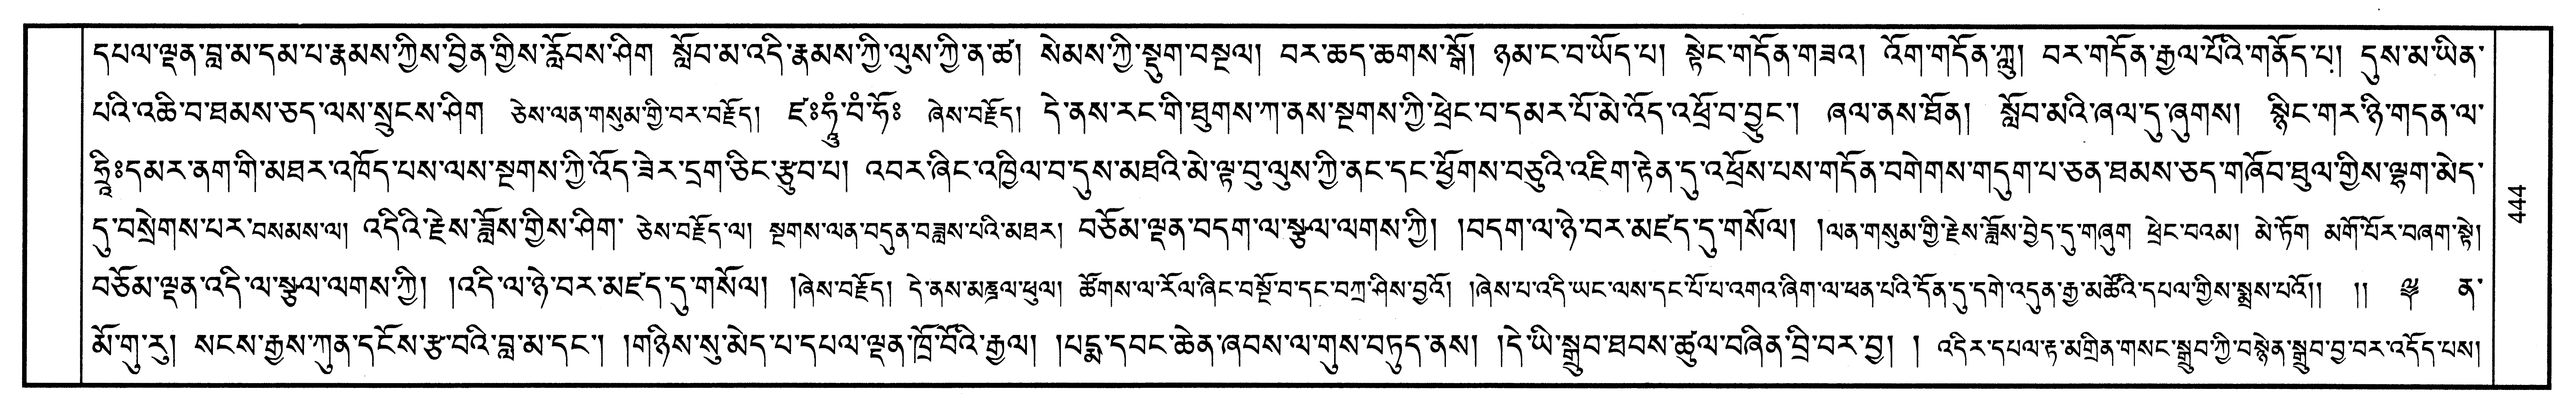དཔལ་ལྡན་བླ་མ་དམ་པ་རྣམས་ཀྱིས་བྱིན་གྱིས་རློབས་ཤིག་སློབ་མ་འདི་རྣམས་ཀྱི་ལུས་ཀྱི་ན་ཚ། སེམས་ཀྱི་སྡུག་བསྔལ། བར་ཆད་ཆགས་སྒོ། ཉམ་ང་བ་ཡོད་པ། སྟེང་གདོན་གཟའ། འོག་གདོན་ཀླུ། བར་གདོན་རྒྱལ་པོའི་གནོད་པ། དུས་མ་ཡིན་
པའི་འཆི་བ་ཐམས་ཅད་ལས་སྲུངས་ཤིག་ཅེས་ལན་གསུམ་གྱི་བར་བརྗོད། ཛཿ ཧཱུཾ་བཾ་ཧོཿ ཞེས་བརྗོད། དེ་ནས་རང་གི་ཐུགས་ཀ་ནས་སྔགས་ཀྱི་ཕྲེང་བ་དམར་པོ་མེ་འོད་འཕྲོ་བ་བྱུང་། ཞལ་ནས་ཐོན། སློབ་མའི་ཞལ་དུ་ཞུགས། སྙིང་གར་ཉི་གདན་ལ་
ཧྲཱིཿ དམར་ནག་གི་མཐར་འཁོད་པས་ལས་སྔགས་ཀྱི་འོད་ཟེར་དྲག་ཅིང་རྩུབ་པ། འབར་ཞིང་འཁྱིལ་བ་དུས་མཐའི་མེ་ལྟ་བུ་ལུས་ཀྱི་ནང་དང་ཕྱོགས་བཅུའི་འཇིག་རྟེན་དུ་འཕྲོས་པས་གདོན་བགེགས་གདུག་པ་ཅན་ཐམས་ཅད་གཞོབ་ཐུལ་གྱིས་ལྷག་མེད་
དུ་བསྲེགས་པར་བསམས་ལ། འདིའི་རྗེས་ཟློས་གྱིས་ཤིག་ཅེས་བརྗོད་ལ། སྔགས་ལན་བདུན་བཟླས་པའི་མཐར། བཅོམ་ལྡན་བདག་ལ་སྩལ་ལགས་ཀྱི། །བདག་ལ་ཉེ་བར་མཛད་དུ་གསོལ། །ལན་གསུམ་གྱི་རྗེས་ཟློས་བྱེད་དུ་གཞུག་ཕྲེང་བའམ། མེ་ཏོག་མགོ་པོར་བཞག་སྟེ།
བཅོམ་ལྡན་འདི་ལ་སྩལ་ལགས་ཀྱི། །འདི་ལ་ཉེ་བར་མཛད་དུ་གསོལ། །ཞེས་བརྗོད། དེ་ནས་མཎྜལ་ཕུལ། ཚོགས་ལ་རོལ་ཞིང་བསྔོ་བ་དང་བཀྲ་ཤིས་བྱའོ། །ཞེས་པ་འདི་ཡང་ལས་དང་པོ་པ་འགའ་ཞིག་ལ་ཕན་པའི་དོན་དུ་དགེ་འདུན་རྒྱ་མཚོའི་དཔལ་གྱིས་སྨྲས་པའོ།། །། ༈ ན་
མོ་གུ་རུ། སངས་རྒྱས་ཀུན་དངོས་རྩ་བའི་བླ་མ་དང་། །གཉིས་སུ་མེད་པ་དཔལ་ལྡན་ཁྲོ་བོའི་རྒྱལ། །པདམ་དབང་ཆེན་ཞབས་ལ་གུས་བཏུད་ནས། །དེ་ཡི་སྒྲུབ་ཐབས་ཚུལ་བཞིན་བྲི་བར་བྱ། །འདིར་དཔལ་རྟ་མགྲིན་གསང་སྒྲུབ་ཀྱི་བསྙེན་སྒྲུབ་བྱ་བར་འདོད་པས།